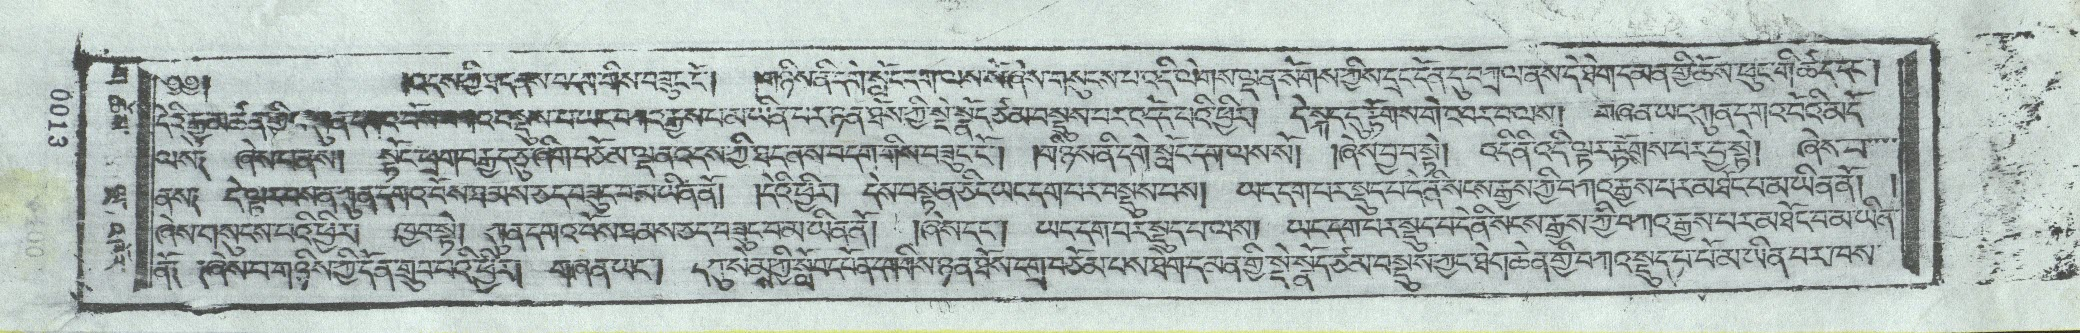༄༅། །འདས་ཀྱི་ཐད་ནས་བདག་གིས་བཟུང་ངོ། །གཉིས་ནི་དགེ་སློང་དག་ལས་སོ་ཞེས་གསུངས་པ་འདི་ལེགས་ལྡན་སོགས་ཀྱིས་དྲང་དོན་དུ་བཀྲལ་ནས་དེ་ཐེག་དམན་གྱི་ཆོས་ཕུང་གི་ཚད་དང་།
དེའི་རྒྱུ་མཚན་གྱིས་ཀུན་དགའ་བོས་བཀའ་བསྡུས་པ་ཡང་བཀའ་རྒྱས་པ་མ་ཡིན་པར་ཉན་ཐོས་ཀྱི་སྡེ་སྣོད་ཙམ་བསྡུས་པར་འདོད་བའི་ཕྱིར། དེ་སྐད་དུ་རྟོགས་གེ་འབར་བ་ལས། གཞན་ཡང་ཀུན་དགའ་བོའི་མདོ་
ལས༑ ཞེས་པ་ནས། སྟོང་ཕྲག་བརྒྱད་ཅུ་ཞིག་བཅོམ་ལྡན་འདས་ཀྱི་ཐད་ནས་བདག་གིས་བཟུང་ངོ། །གཉིས་ནི་དགེ་སློང་དག་ལས་སོ། །ཞེས་བྱ་བ་སྟེ། འདི་ནི་འདི་ལྟར་རྟོགས་པར་བྱ་སྟེ། ཞེས་པ་
ནས༑ དེ་ལྟར་བས་ན་ཀུན་དགའ་བོས་ཐམས་ཅད་བཟུང་བ་མ་ཡིན་ནོ། །དེའི་ཕྱིར། དེས་བསྟན་ཅིང་ཡང་དག་པར་བསྡུས་པས། ཡང་དག་པར་བསྡུད་པ་དེ་ནི་སངས་རྒྱས་ཀྱི་བཀའ་རྒྱས་པར་མཐོང་པ་མ་ཡིན་ནོ། །
ཞེས་གསུངས་པའི་ཕྱིར། ཁྱབ་སྟེ། ཀུན་དགའ་བོས་ཐམས་ཅད་བཟུང་བ་མ་ཡིན་ནོ། །ཞེས་དང་། ཡང་དག་པར་སྡུད་པ་ལས། ཡང་དག་པར་སྡུད་པ་དེ་ནི་སངས་རྒྱས་ཀྱི་བཀའ་རྒྱས་པར་མཐོང་བ་མ་ཡིན་
ནོ༑ ༑ཞེས་པ་གཉིས་ཀྱི་དོན་གྲུབ་པའི་ཕྱིར། གཞན་ཡང་། དབུ་སེམས་ཀྱི་སློབ་དཔོན་དག་གིས་ཉན་ཐོས་དགྲ་བཅོམ་པས་ཐེག་དམན་གྱི་སྡེ་སྣོད་ཙམ་བསྡུས་ཀྱང་ཐེག་ཆེན་གྱི་བཀའ་སྡུད་པ་པོ་མ་ཡིན་པར་ཁས་